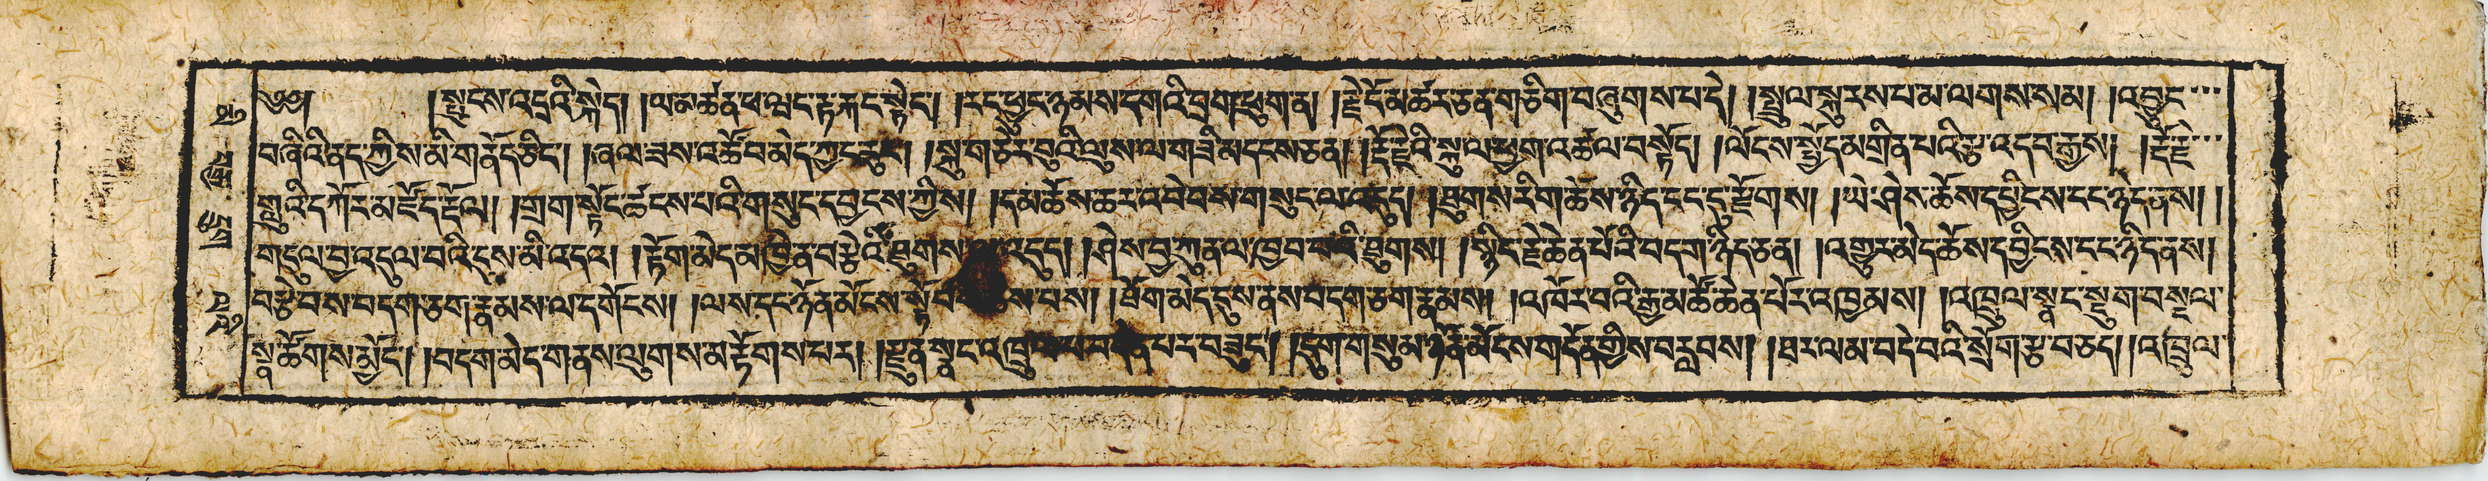སྤུངས་འདྲའི་སྐེད། །ཡ་མཚན་ཕ་ཝང་རྟ་རྐང་སྟེང་། །རང་བྱུང་ཉམས་དགའི་བྲག་ཕུག་ན། །རྗེ་ངོ་མཚར་ཅན་གཅིག་བཞུགས་པ་དེ། །སྤྲུལ་སྐུ་རས་པ་མ་ལགས་སམ། །འབྱུང་
བཞིའི་ནད་ཀྱིས་མི་གནོད་ཅིང་། །ཞལ་ཟས་འཚོ་བ་མེད་ཀྱང་རུང་། །སྐུ་གཅེར་བུའི་ལུས་ལ་གཟི་མདངས་ཅན། །རྡོ་རྗེའི་སྐུ་ལ་ཕྱག་འཚལ་བསྟོད། །ལོངས་སྤྱོད་མགྲིན་པའི་རྩ་འདབ་རྒྱས། །རྡོ་རྗེ་
གླུའི་དཀོར་མཛོད་རྡོལ། །གྲག་སྟོང་ཚངས་པའི་གསུང་དབྱངས་ཀྱིས། །དམ་ཆོས་ཆར་འབེབས་གསུང་ལ་འདུད། །ཐུགས་རིག་ཆོས་ཉིད་ངང་དུ་རྫོགས། །ཡེ་ཤེས་ཆོས་དབྱིངས་ངང་ཉིད་ནས། །
གདུལ་བྱ་འདུལ་བའི་དུས་མི་འདའ། །རྟོག་མེད་མཁྱེན་བརྩེའི་ཐུགས་ཀྱི་འདུད། །ཤེས་བྱ་ཀུན་ལ་ཁྱབ་བའི་ཐུགས། །སྙིང་རྗེ་ཆེན་པོའི་བདག་ཉིད་ཅན། །འགྱུར་མེད་ཆོས་དབྱིངས་ངང་ཉིད་ནས། །
བརྩེ་བས་བདག་ཅག་རྣམས་ལ་དགོངས། །ལས་དང་ཉོན་མོངས་སྟོབས་བཅས་པས། །ཐོག་མེད་དུས་ནས་བདག་ཅག་རྣམས། །འཁོར་བའི་རྒྱ་མཚོ་ཆེན་པོར་འཁྱམས། །འཁྲུལ་སྣང་སྡུག་བསྔལ་
སྣ་ཚོགས་མྱོང་། །བདག་མེད་གནས་ལུགས་མ་རྟོགས་པར། །རྫུན་སྣང་འཁྲུལ་པ་བདེན་པར་བཟུང་། །དུག་གསུམ་ཉོན་མོངས་གདོན་གྱིས་བརླམས། །ཐར་ལམ་བདེ་བའི་སྲོག་རྩ་བཅད། །འཁྲུལ་